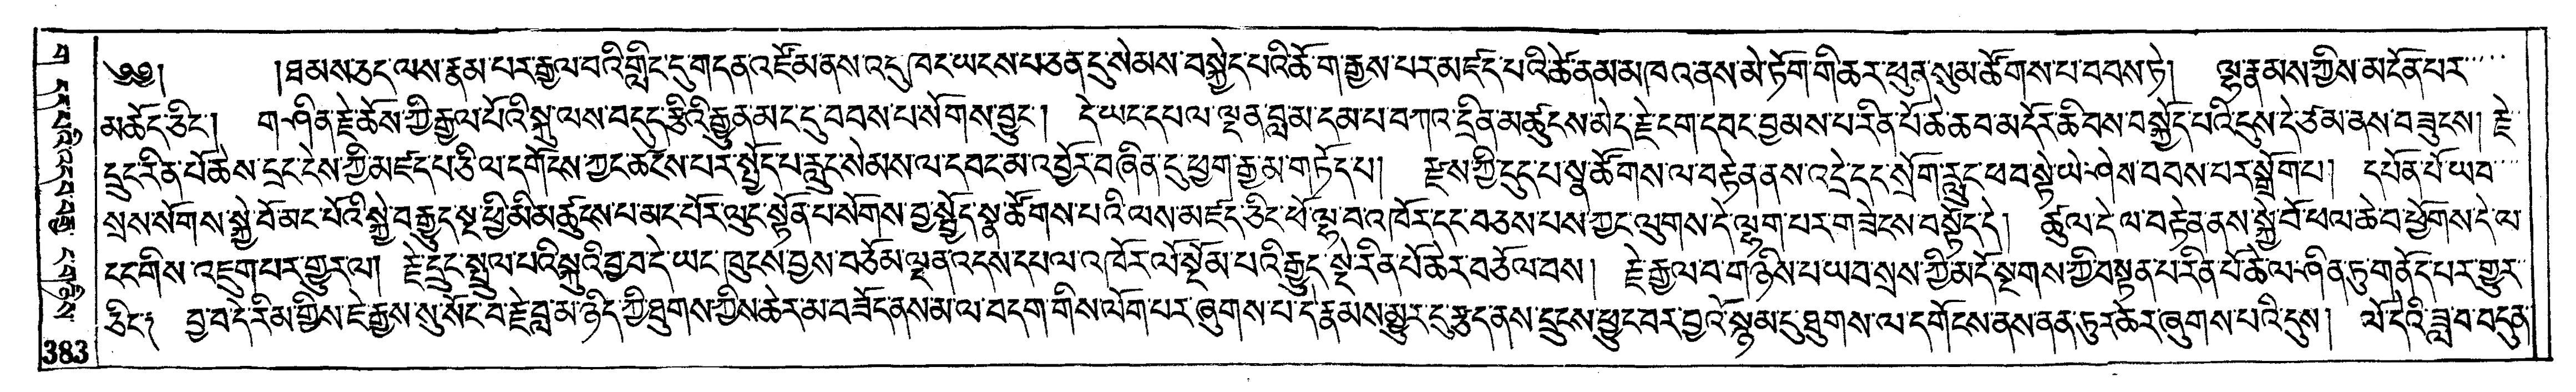༄༅། །ཐམས་ཅད་ལས་རྣམ་པར་རྒྱལ་བའི་གླིང་དུ་གད་ན་འཛོམ་ནས་འདུ་ཁང་ཡངས་པ་ཅན་དུ་སེམས་བསྐྱེད་པའི་ཆོ་ག་རྒྱས་པར་མཛད་པའི་ཚེ་ནམ་མཁའ་ནས་མེ་ཏོག་གི་ཆར་ཕུན་སུམ་ཚོགས་པ་བབས་ཏེ། ལྷ་རྣམས་ཀྱིས་མངོན་པར་
མཆོད་ཅིང་། གཤིན་རྗེ་ཆོས་ཀྱི་རྒྱལ་པོའི་སྐུ་ལས་བདུད་རྩིའི་རྒྱུན་མང་དུ་བབས་པ་སོགས་བྱུང་། དེ་ཡང་དཔལ་ལྡན་བླ་མ་དམ་པ་བཀའ་དྲིན་མཚུངས་མེད་རྗེ་ངག་དབང་བྱམས་པ་རིན་པོ་ཆེ་ཆ་བ་མངོར་ཆིབས་བསྐྱོད་པའི་དུས་དེ་ཙམ་ནས་བཟུངས། ཇེ་
དྲུང་རིན་པོ་ཆེས་དྲང་ངེས་ཀྱི་མཛད་པ་ཅི་ལ་དགོངས་ཀྱང་ཚངས་པར་སྤྱོད་པ་རླུང་སེམས་ལ་དབང་མ་འབྱོར་བཞིན་དུ་ཕྱག་རྒྱ་མ་གཏོད་པ། རྫས་ཀྱི་དུད་པ་སྣ་ཚོགས་ལ་བརྟེན་ནས་འདྲེ་དང་སྲོག་རླུང་བབ་སྟེ་ཡེ་ཤེས་བབས་པར་སྒྲོག་པ། དབོན་པོ་ཡབ་
སྲས་སོགས་སྐྱེ་བོ་མང་པོའི་སྐྱེ་བརྒྱད་སྔ་ཕྱི་མི་མཚུངས་པ་མང་པོར་ལུང་སྟོན་པ་སོགས་བྱ་སྤྱོད་སྣ་ཚོགས་པའི་ལས་མཛད་ཅིང་ཕོ་ལྷ་བ་འཁོར་དང་བཅས་པས་ཀྱང་ལུགས་དེ་ལྷག་པར་གཟེངས་བསྟོད་དེ། ཚུལ་དེ་ལ་བརྟེན་ནས་སྐྱེ་བོ་ཕལ་ཆེ་བ་ཕྱོགས་དེ་ལ་
ངང་གིས་འཇུག་པར་གྱུར་ལ། རྗེ་དྲུང་སྤྲུལ་པའི་སྐུའི་བྱ་བ་དེ་ཡང་ཁུངས་བྱས་བཅོམ་ལྡན་འདས་དཔལ་འཁོར་ལོ་སྔོམ་པའི་རྒྱུད་སྡེ་རིན་པོ་ཆེར་བཅོལ་བས། རྗེ་རྒྱལ་བ་གཉིས་པ་ཡབ་སྲས་ཀྱི་མདོ་སྔགས་ཀྱི་བསྟན་པ་རིན་པོ་ཆེ་ལ་ཤིན་ཏུ་གནོད་པར་གྱུར་
ཅིང་། བྱ་བ་དེ་རིམ་གྱིས་ཇེ་རྒྱས་སུ་སོང་བ་རྗེ་བླ་མ་ཉིད་ཀྱི་ཐུགས་ཀྱིས་ཆེར་མ་བཟོད་ནས་མལ་བདག་གིས་ལོག་པར་ཞུགས་པ་དེ་རྣམས་མྱུར་དུ་རྩད་ནས་དྲུངས་ཕྱུད་བར་བྱའོ་སྙམ་དུ་ཐུགས་ལ་དགོངས་ནས་ནན་ཏུར་ཚེར་ཞུགས་པའི་དུས། ལོ་དེའི་ཟླ་བ་བདུན་